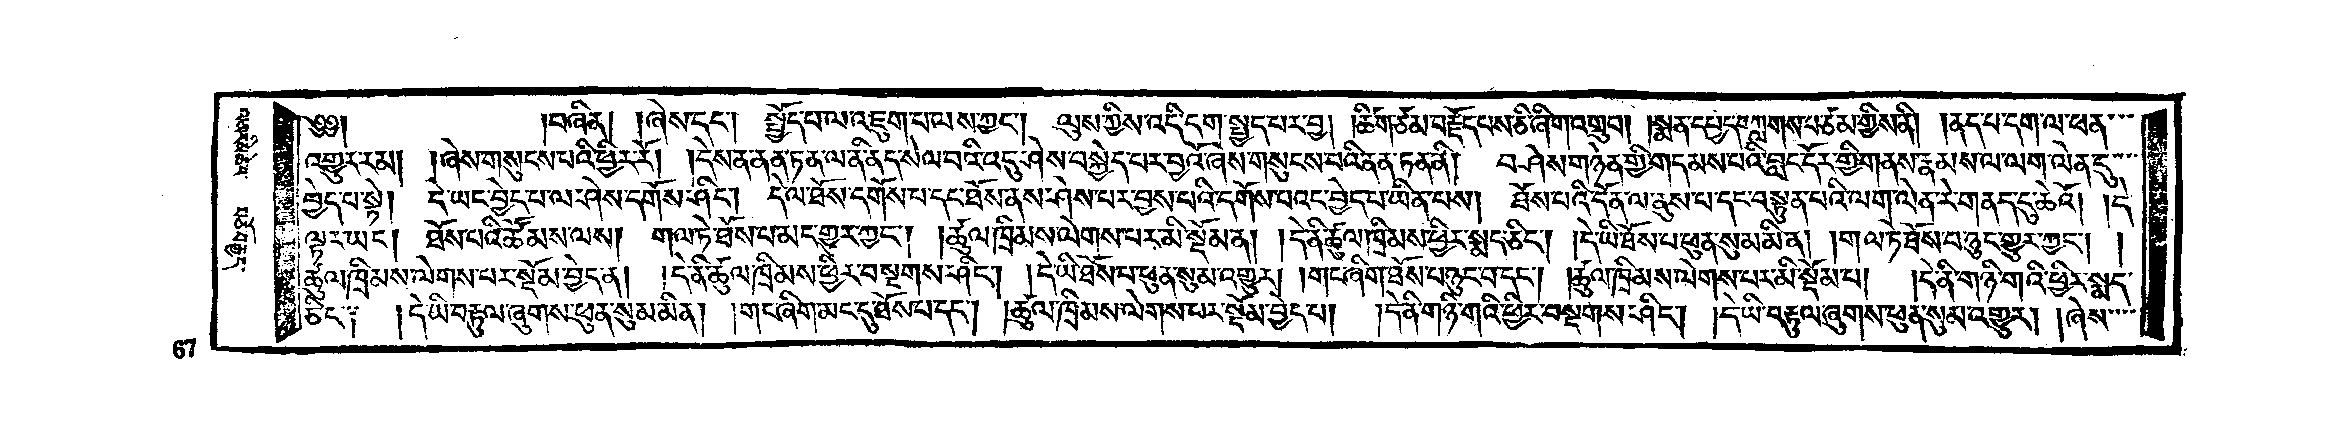༄༅། །བཞིན། །ཞེས་དང་། སྤྱོད་པ་ལ་འཇུག་པ་ལས་ཀྱང་། ལུས་ཀྱིས་འདི་དག་སྤྱད་པར་བྱ། །ཚིག་ཙམ་བརྗོད་པས་ཅི་ཞིག་འགྲུབ། །སྨན་དཔྱད་བཀླགས་པ་ཙམ་གྱིས་ནི། །ནད་པ་དག་ལ་ཕན་
འགྱུར་རམ། །ཞེས་གསུངས་པའི་ཕྱིར་རོ། །དེས་ན་ནན་ཏན་ལ་ནི་ནད་སེལ་བའི་འདུ་ཤེས་བསྐྱེད་པར་བྱའོ་ཞེས་གསུངས་པའི་ནན་ཏན་ནི། བཤེས་གཉེན་གྱི་གདམས་པའི་བླང་དོར་གྱི་གནས་རྣམས་ལ་ལག་ལེན་དུ་
བྱེད་པ་སྟེ། དེ་ཡང་བྱེད་པ་ལ་ཤེས་དགོས་ཤིང་། དེ་ལ་ཐོས་དགོས་པ་དང་ཐོས་ནས་ཤེས་པར་བྱས་པའི་དགོས་པའང་བྱེད་པ་ཡིན་པས། ཐོས་པའི་དོན་ལ་ནུས་པ་དང་བསྟུན་པའི་ལག་ལེན་རེ་གནད་དུ་ཆེའོ། །དེ་
ལྟར་ཡང་། ཐོས་པའི་ཚོམས་ལས། གལ་ཏེ་ཐོས་པ་མང་གྱུར་ཀྱང་། །ཚུལ་ཁྲིམས་ལེགས་པར་མི་སྡོམ་ན། །དེ་ནི་ཚུལ་ཁྲིམས་ཕྱིར་སྨད་ཅིང་། །དེ་ཡི་ཐོས་པ་ཕུན་སུམ་མིན། །གལ་ཏེ་ཐོས་པ་ཉུང་གྱུར་ཀྱང་། །
ཚུལ་ཁྲིམས་ལེགས་པར་སྡོམ་བྱེད་ན། །དེ་ནི་ཚུལ་ཁྲིམས་ཕྱིར་བསྔགས་ཤིང་། །དེ་ཡི་ཐོས་པ་ཕུན་སུམ་འགྱུར། །གང་ཞིག་ཐོས་པ་ཉུང་བ་དང་། །ཚུལ་ཁྲིམས་ལེགས་པར་མི་སྡོམ་པ། །དེ་ནི་གཉི་གའི་ཕྱིར་སྨད་
ཅིང༑ ༑དེ་ཡི་བརྟུལ་ཞུགས་ཕུན་སུམ་མིན། །གང་ཞིག་མང་དུ་ཐོས་པ་དང་། །ཚུལ་ཁྲིམས་ལེགས་པར་སྡོམ་བྱེད་པ། །དེ་ནི་གཉི་གའི་ཕྱིར་བསྔགས་ཤིང་། །དེ་ཡི་བརྟུལ་ཞུགས་ཕུན་སུམ་འགྱུར། །ཞེས་